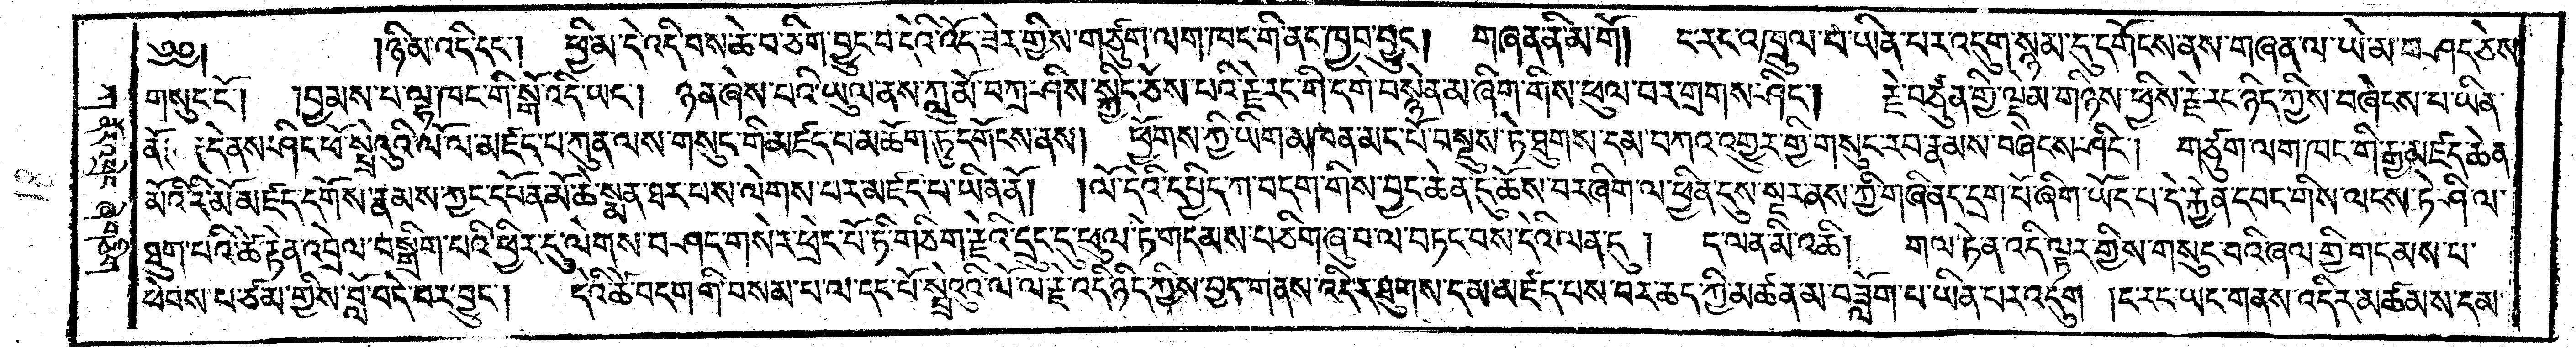༄༅། །ཉི་མ་འདི་དང་། ཕྱི་མ་དེ་འདི་བས་ཆེ་བ་ཅིག་བྱུང་བ་དེའི་འོད་ཟེར་གྱིས་གཙུག་ལག་ཁང་གི་ནང་ཁྱབ་བྱུང་། གཞན་ནི་མ་གོ། ང་རང་འཁྲུལ་བ་ཡིན་པར་འདུག་སྙམ་དུ་དགོངས་ནས་གཞན་ལ་ཡེ་མ་བཤད་ཅེས་
གསུང་ངོ། །བྱམས་པ་ལྷ་ཁང་གི་སྒོ་འདི་ཡང་། ཉན་ཞེས་པའི་ཡུལ་ནས་ཀླུ་མོ་བཀྲ་ཤིས་སྐྱིད་ཅེས་པའི་རྗེ་རང་གི་དགེ་བསྙེན་མ་ཞིག་གིས་ཕུལ་བར་གྲགས་ཤིང་། རྗེ་བཙུན་གྱི་ལྡེམ་གཉིས་ཕྱིས་རྗེ་རང་ཉིད་ཀྱིས་བཞེངས་པ་ཡིན་
ནོ༑ ༑དེ་ནས་ཤིང་ཕོ་སྤྲེའུའི་ལོ་ལ་མཛད་པ་ཀུན་ལས་གསུང་གི་མཛད་པ་མཆོག་ཏུ་དགོངས་ནས། ཕྱོགས་ཀྱི་ཡིག་མཁན་མང་པོ་བསྡུས་ཏེ་ཐུགས་དམ་བཀའ་འགྱུར་གྱི་གསུང་རབ་རྣམས་བཞེངས་ཤིང་། གཙུག་ལག་ཁང་གི་རྒྱ་མཛད་ཆེན་
མོའི་རི་མོ་མཛད་དགོས་རྣམས་ཀྱང་དཔོན་མོ་ཆེ་སྨན་ཐར་པས་ལེགས་པར་མཛད་པ་ཡིན་ནོ། །ལོ་དེའི་དཔྱིད་ཀ་བདག་གིས་བྱང་ཆེན་དུ་ཆོས་བར་ཞིག་ལ་ཕྱིན་དུས་སྔར་ནས་ཀྱི་གཞི་ནད་དྲག་པོ་ཞིག་ཡོད་པ་དེ་རྐྱེན་དབང་གིས་ལངས་ཏེ་ཤི་ལ་
ཐུག་པའི་ཚེ་རྟེན་འབྲེལ་བསྒྲིག་པའི་ཕྱིར་དུ་ལེགས་བཤད་གསེར་ཕྲེང་པོ་ཏི་གཅིག་རྗེའི་དྲུང་དུ་ཕུལ་ཏེ་གདམས་པ་ཅིག་ཞུ་བ་ལ་བཏང་བས་དེའི་ལན་དུ། ད་ལན་མི་འཆི། གལ་ཏེན་འདི་ལྟར་གྱིས་གསུང་བའི་ཞལ་གྱི་གདམས་པ་
ཕེབས་པ་ཙམ་གྱིས་བློ་བདེ་བར་བྱུང་། དེའི་ཚེ་བདག་གི་བསམ་པ་ལ་དང་པོ་སྤྲེའུའི་ལོ་ལ་རྗེ་འདི་ཉིད་ཀྱིས་བྱང་གནས་འདིར་ཐུགས་དམ་མཛད་པས་བར་ཆད་ཀྱི་མཚན་མ་བཟློག་པ་ཡིན་པར་འདུག །ང་རང་ཡང་གནས་འདིར་མཚམས་དམ་